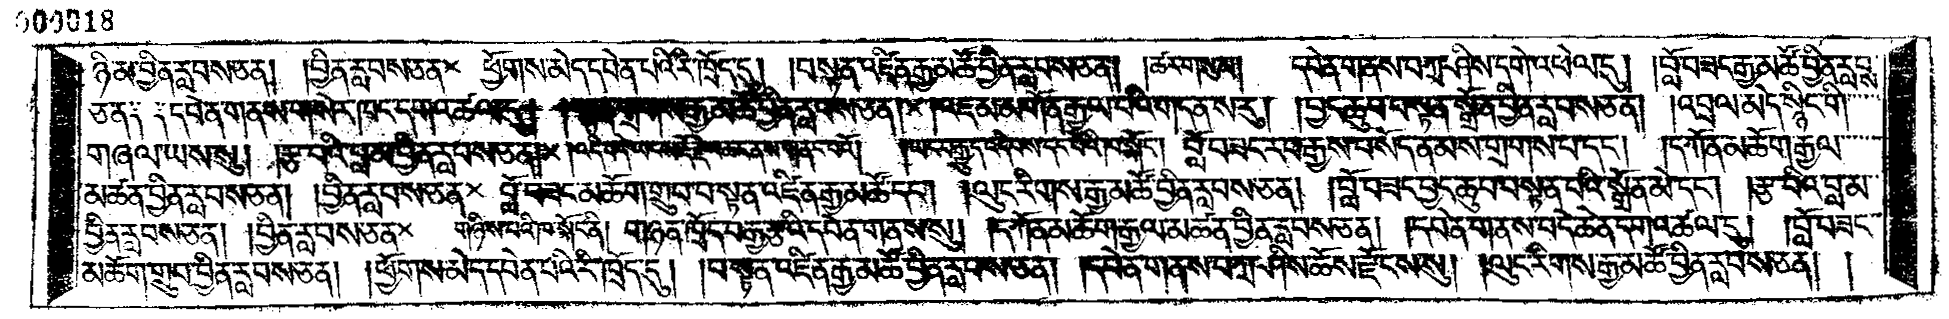ཉི་མ་བྱིན་རླབས་ཅན། །བྱིན་རླབས་ཅན་྾་ཕྱོགས་མེད་དབེན་པའི་རི་ཁྲོད་དུ། །བསྟན་འཛིན་རྒྱ་མཚོ་བྱིན་རླབས་ཅན། །ཚར་གསུམ།  དབེན་གནས་བཀྲ་ཤིས་དགེ་འཕེལ་དུ། །བློ་བཟང་རྒྱ་མཚོ་བྱིན་རླབས་
ཅན༑ ༑དབེན་གནས་གསེར་ཁང་དགའ་ཚལ་དུ། །སྙན་གྲགས་རྒྱ་མཚོ་བྱིན་རླབས་ཅན། ྾་།འཇམ་མགོན་རྒྱལ་བའི་གདན་ས་རུ། །བྱང་ཆུབ་བསྟན་སྒྲོན་བྱིན་རླབས་ཅན། །འབྲལ་མེད་སྙིང་གི་
གཞལ་ཡས་སུ། །རྩ་བའི་བླ་མ་བྱིན་རླབས་ཅན། ྾་།འདི་བདེ་ཡངས་རྡོ་རྗེ་འཆང་ནས་གནང་བའོ། །ཡང་བརྒྱུད་འདེབས་དང་པོའི་ཁ་སྐོང་།  བློ་བཟང་རབ་རྒྱས་བསོད་ནམས་གྲགས་པ་དང་། །དཀོན་མཆོག་རྒྱལ་
མཚན་བྱིན་རླབས་ཅན། །བྱིན་རླབས་ཅན་྾་བློ་བཟང་མཆོག་གྲུབ་བསྟན་འཛིན་རྒྱ་མཚོ་དང་། །ལུང་རིགས་རྒྱ་མཚོ་བྱིན་རླབས་ཅན། །བློ་བཟང་བྱང་ཆུབ་བསྟན་པའི་སྒྲོན་མེ་དང་། །རྩ་བའི་བླ་མ་
བྱིན་རླབས་ཅན། །བྱིན་རླབས་ཅན་྾་གཉིས་པའི་ཁ་སྐོང་ནི།  གཉན་ཁྲོད་བརྒྱ་རྩའི་དབེན་གནས་སུ། །དཀོན་མཆོག་རྒྱལ་མཚན་བྱིན་རླབས་ཅན། །དབེན་གནས་བདེ་ཆེན་དགའ་ཚལ་དུ། །བློ་བཟང་
མཆོག་གྲུབ་བྱིན་རླབས་ཅན། །ཕྱོགས་མེད་དབེན་པའི་རི་ཁྲོད་དུ། །བསྟན་འཛིན་རྒྱ་མཚོ་བྱིན་རླབས་ཅན། །དབེན་གནས་བཀྲ་ཤིས་ཆོས་རྫོངས་སུ། །ལུང་རིགས་རྒྱ་མཚོ་བྱིན་རླབས་ཅན། །